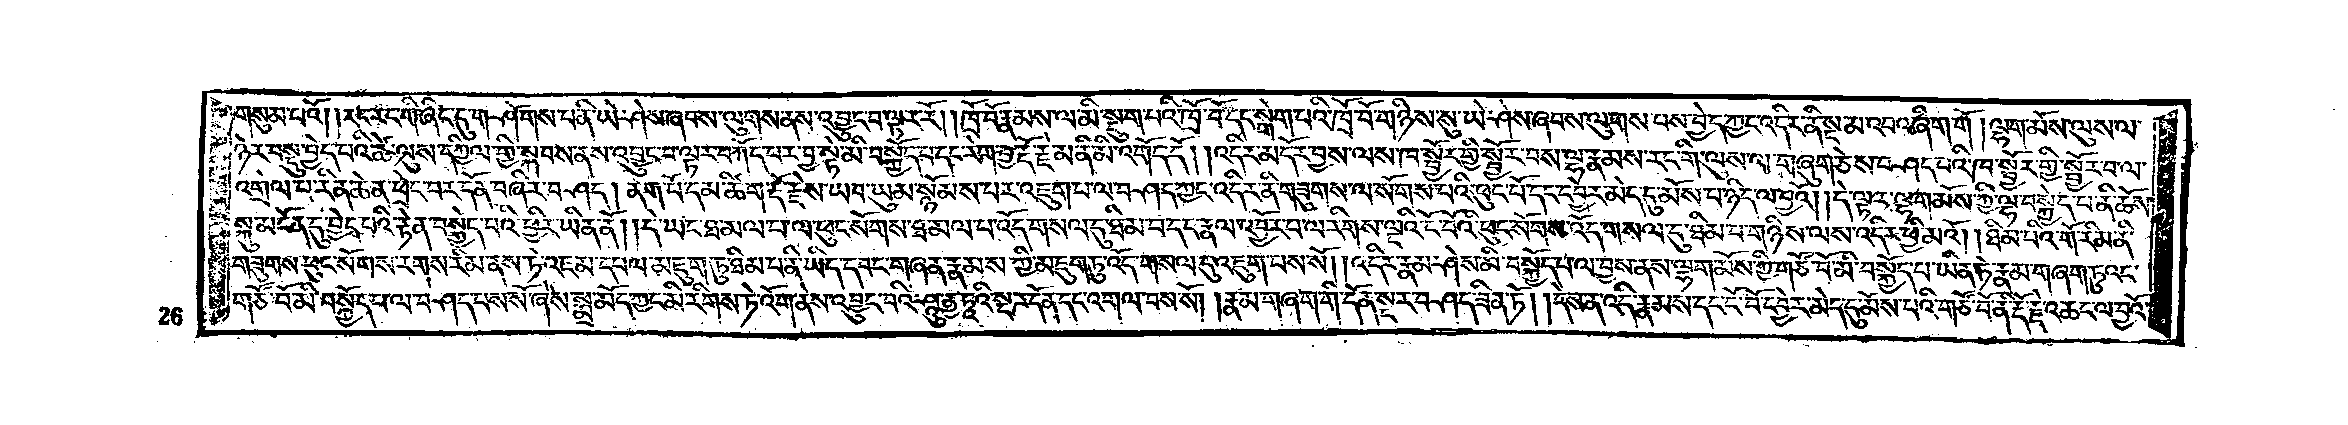གསུམ་པའོ། །རང་རང་གི་ཞིང་དུ་གཤེགས་པ་ནི་ཡེ་ཤེས་ཞབས་ལུགས་ནས་འབྱུང་བ་ལྟར་རོ། །ཁྲོ་བོ་རྣམས་ལ་མི་སྡུག་པའི་ཁྲོ་བོ་དང་སྒེག་པའི་ཁྲོ་བོ་གཉིས་སུ་ཡེ་ཤེས་ཞབས་ལུགས་པས་བྱེད་ཀྱང་འདིར་ནི་སྔ་མ་འབའ་ཞིག་གོ །ལྷག་མོས་ལུས་ལ་
ཉེར་བསྡུ་བྱེད་པའི་ཚེ་ལུས་དཀྱིལ་གྱི་སྐབས་ནས་འབྱུང་བ་ལྟར་བཀོད་པར་བྱ་སྟེ་མི་བསྐྱོད་པ་དང་རེག་བྱ་རྡོ་རྗེ་མ་ནི་མི་འགོད་དོ། །འདིར་མདོར་བྱས་ལས་ཁ་སྦྱོར་གྱི་སྦྱོར་བས་ལྷ་རྣམས་རང་གི་ལུས་ལ་གཞུག་ཅེས་བཤད་པའི་ཁ་སྦྱོར་གྱི་སྦྱོར་བ་ལ་
འགྲེལ་པ་རིན་ཆེན་ཕྲེང་བར་དོན་བཞིར་བཤད། ནག་པོ་དམ་ཚིག་རྡོ་རྗེས་ཡབ་ཡུམ་སྙོམས་པར་འཇུག་པ་ལ་བཤད་ཀྱང་འདིར་ནི་གཟུགས་ལ་སོགས་པའི་ཕུང་པོ་དང་དབྱེར་མེད་དུ་མོས་པ་ཉིད་ལ་བྱའོ། །དེ་ལྟར་ལྷག་མོ་ཀྱི་ལྷ་བསྐྱེད་པ་ནི་ཆོས་
སྐུ་མངོན་དུ་བྱེད་པའི་རྟེན་བསྐྱེད་པའི་ཕྱིར་ཡིན་ནོ། །དེ་ཡང་ཐ་མལ་པ་ལ་ཕུང་སོགས་ཐ་མལ་པ་འོད་གསལ་དུ་ཐིམ་པ་དང་རྣལ་འབྱོར་པ་ལ་རིགས་ལྔའི་ངོ་བོའི་ཕུང་སོགས་འོད་གསལ་དུ་ཐིམ་པ་གཉིས་ལས་འདིར་ཕྱི་མའོ། །ཐིམ་པའི་གོ་རིམ་ནི་
གཟུགས་ཕུང་སོགས་རགས་རིམ་ནས་ཏེ་འཇམ་དཔལ་མཇུག་ཏུ་ཐིམ་པ་ནི་ཡིད་དབང་གཞན་རྣམས་ཀྱི་མཇུག་ཏུ་འོད་གསལ་དུ་འཇུག་པས་སོ། །འདིར་རྣམ་ཤེས་མི་བསྐྱོད་པ་ལ་བྱས་ནས་ལྷག་མོས་ཀྱི་གཙོ་བོ་མི་བསྐྱོད་པ་ཡིན་ཏེ་རྣམ་གཞག་ཏུའང་
གཙོ་བོ་མི་བསྐྱོད་པ་ལ་བཤད་པས་སོ་ཞེས་སྨྲ་མོད་ཀྱང་མི་རིགས་ཏེ་འོག་ནས་འབྱུང་བའི་ཤཱུ་ཉ་ཏཱའི་སྔགས་དོན་དང་འགལ་བས་སོ། །རྣམ་གཞག་གི་དོན་སྔར་བཤད་ཟིན་ཏོ། །དེས་ན་འདི་རྣམས་དང་ངོ་བོ་དབྱེར་མེད་དུ་མོས་པའི་གཙོ་བོ་ནི་རྡོ་རྗེ་འཆང་ལ་བྱའོ།